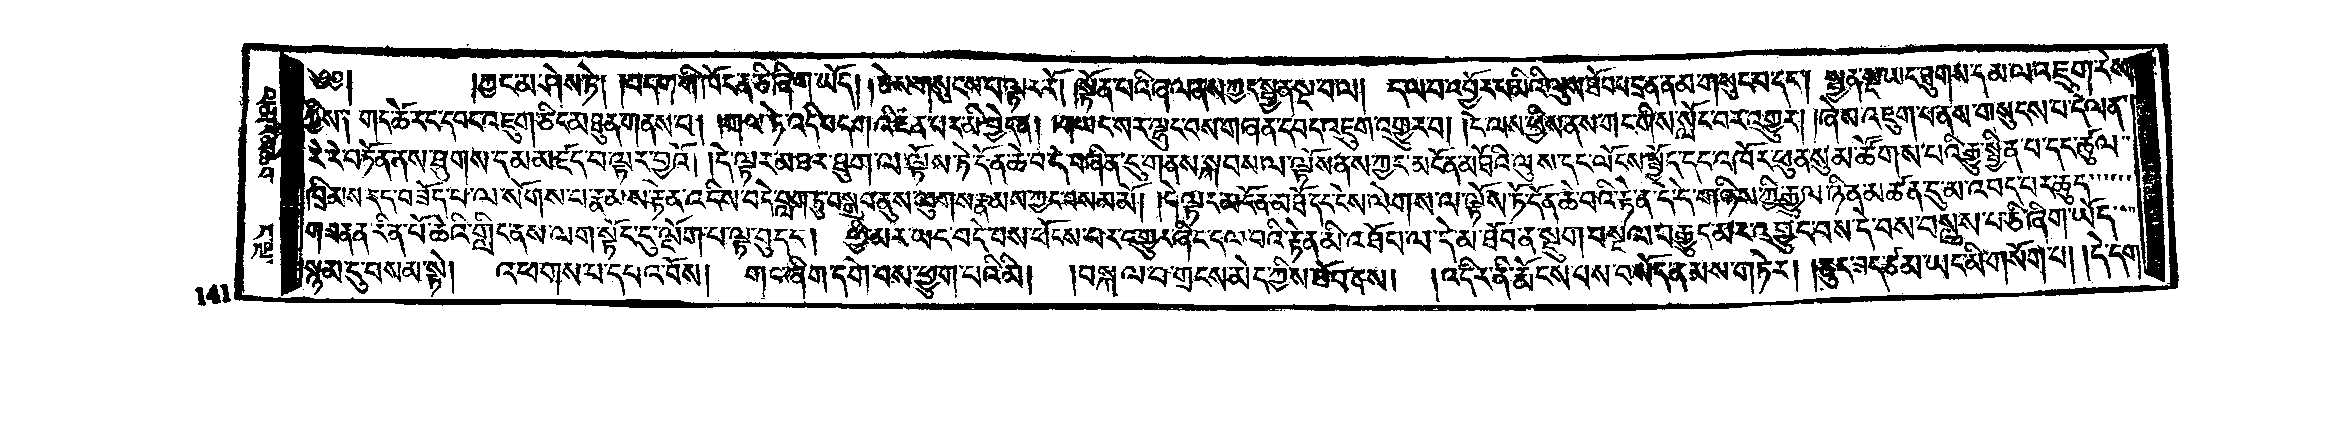༄༅། །ཀྱང་མ་ཤེས་ཏེ། །བདག་གི་ཁོང་ན་ཅི་ཞིག་ཡོད། །ཅེས་གསུངས་པ་ལྟར་རོ། །སྟོན་པའི་ཞལ་ནས་ཀྱང་སྦྱན་སྔ་བ་ལ། དལ་བ་འབྱོར་བ་མིའི་ལུས་ཐོབ་པ་དྲན་ནམ་གསུང་བ་དང་། སྤྱན་སྔ་ཡང་ཐུགས་ད་མ་ལ་འཇུག་རེས།
ཀྱིས༑ གང་ཚེ་རང་དབང་འཇུག་ཅིང་མཐུན་གནས་པ། །གལ་ཏེ་འདི་བདག་འཛིན་པར་མི་བྱེད་ན། །གཡང་སར་ལྷུང་བས་གཞན་དབང་འཇུག་འགྱུར་བ། །དེ་ལས་ཕྱིས་ནས་གང་གིས་སློང་བར་འགྱུར། །ཞེས་འཇུག་པ་ནས་གསུངས་པ་དེ་ལན་
རེ་རེ་བཏོན་ནས་ཐུགས་དམ་མཛད་བ་ལྟར་བྱའོ། །དེ་ལྟར་མཐར་ཐུག་ལ་ལྟོས་ཏེ་དོན་ཆེ་བ་དེ་བཞིན་དུ་གནས་སྐབས་ལ་ལྟོས་ནས་ཀྱང་མངོན་མཐོའི་ལུས་དང་ལོངས་སྤྱོད་དང་འཁོར་ཕུན་སུམ་ཚོགས་པའི་རྒྱུ་སྦྱིན་པ་དང་ཚུལ་
ཁྲིམས་དད་བཟོད་པ་ལ་སོགས་པ་རྣམས་རྟེན་འདིས་བདེ་བླག་ཏུ་བསྒྲུབ་ནུས་ལུགས་རྣམས་ཀྱང་བསམ་མོ། །དེ་ལྟར་མངོན་མཐོ་དང་ངེས་ལེགས་ལ་ལྟོས་ཏོ་དོན་ཆེ་བའི་རྟེན་དེ་དེ་གཉིས་ཀྱི་རྒྱུལ་ཉིན་མཚན་དུ་མ་འབད་པར་ཆུད་
གཟན་ན་རིན་པོ་ཆེའི་གླིང་ནས་ལག་སྟོང་དུ་ལྡོག་པ་ལྟ་བུ་དང་། ཕྱི་མར་ཡང་བདེ་བས་ཕོངས་པར་འགྱུར་ཞིང་དལ་བའི་རྟེན་མི་འཐོབ་ལ་དེ་མ་ཐོབ་ན་སྡུག་བསྔལ་བརྒྱུད་མར་འབྱུང་བས་དེ་བས་བསླུས་པ་ཅི་ཞིག་ཡོད་
སྙམ་དུ་བསམ་སྟེ། འཕགས་པ་དཔའ་བོས། གང་ཞིག་དགེ་བས་ཕྱུག་པའི་མི། །བསྐལ་བ་གྲངས་མེད་ཀྱིས་ཐོབ་ནས། །འདིར་ནི་རྨོངས་པས་བསོད་ནམས་གཏེར། །ཅུང་ཟད་ཙམ་ཡང་མི་གསོག་པ། །དེ་དག་